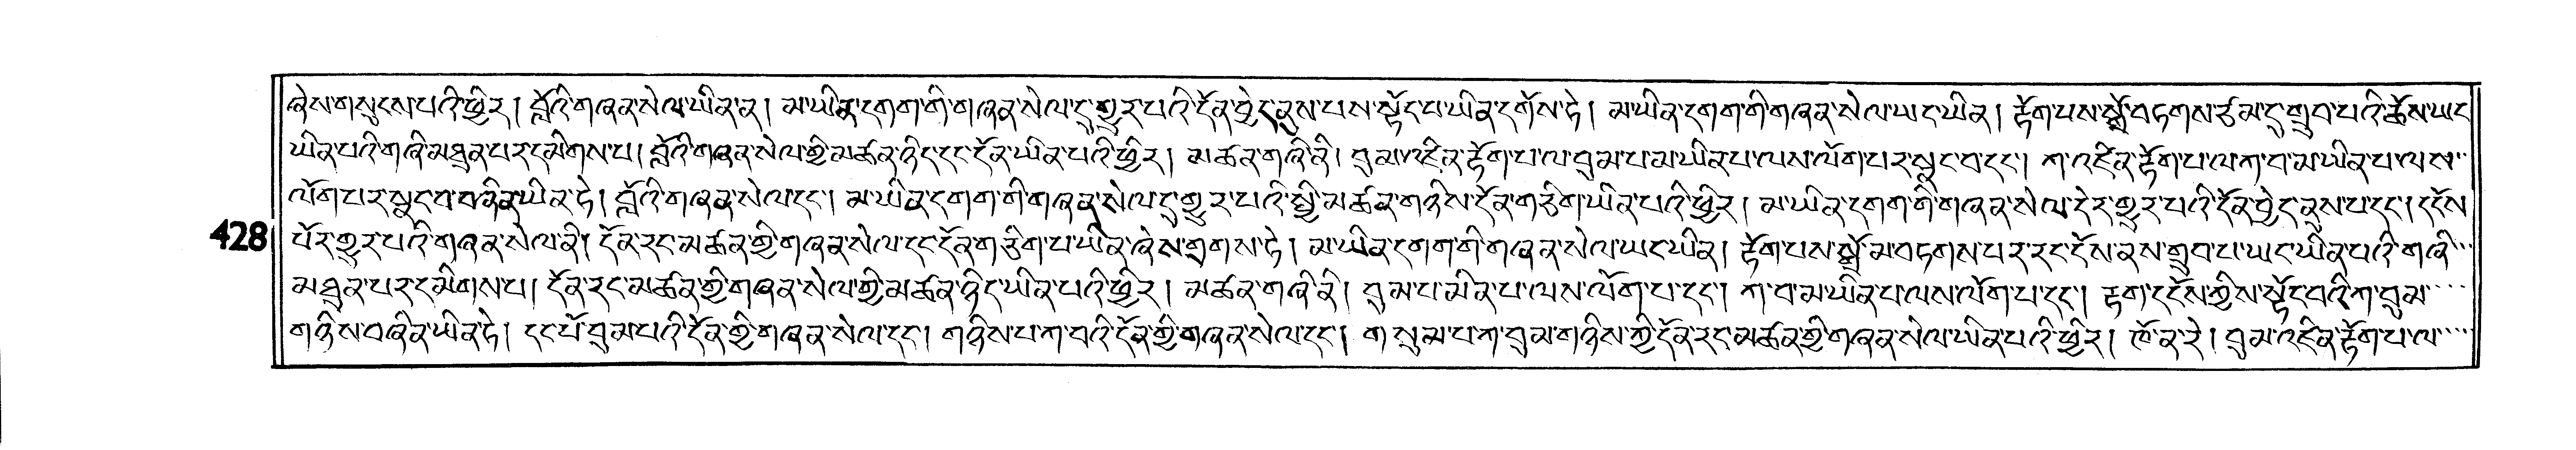ཞེས་གསུངས་པའི་ཕྱིར། བློའི་གཞན་སེལ་ཡིན་ན། མ་ཡིན་དགག་གི་གཞན་སེལ་དུ་གྱུར་པའི་དོན་བྱེད་ནུས་པས་སྟོང་པ་ཡིན་དགོས་ཏེ། མ་ཡིན་དགག་གི་གཞན་སེལ་ཡང་ཡིན། རྟོག་པས་སྒྲོ་བཏགས་ཙམ་དུ་གྲུབ་པའི་ཆོས་ཡང་
ཡིན་པའི་གཞི་མཐུན་པར་དམིགས་པ། བློའི་གཞན་སེལ་གྱི་མཚན་ཉིད་དང་དོན་ཡིན་པའི་ཕྱིར། མཚན་གཞི་ནི། བུམ་འཛིན་རྟོག་པ་ལ་བུམ་པ་ཨམ་ཡིན་པ་ལས་ལོག་པར་སྣང་བ་དང་། ཀ་འཛིན་རྟོག་པ་ལ་ཀ་བ་མ་ཡིན་པ་ལས་
ལོག་པར་སྣང་བ་བཞིན་ཡིན་ཏེ།བློའི་གཞེན་སེལ་དང་། མ་ཡིན་དགག་གི་གཞན་སེལ་དུ་གྱུར་པའི་སྤྱི་མཚན་གཉིས་དོན་གཅིག་ཡིན་པའི་ཕྱིར། མ་ཡིན་དགག་གི་གཞན་སེལ་དེར་གྱུར་པའི་དོན་བྱེད་ནུས་པ་དང་། དངོས་
པོར་གྱུར་པའི་གཞན་སེལ་ནི། དོན་རང་མཚན་གྱི་གཞན་སེལ་དང་དོན་གཅིག་པ་ཡིན་ཞེས་གྲགས་ཏེ། མ་ཡིན་དགག་གི་གཞན་སེལ་ཡང་། ཡིན། རྟོག་པས་སྒྲ་མ་བཏགས་པར་རང་ངོས་ནས་གྲུབ་པ་ཡང་ཡིན་པའི་གཞི་
མཐུན་པར་དམིགས་པ། དོན་རང་མཚན་གྱི་གཞན་སེལ་གྱི་མཚན་ཉིད་པའི་ཕྱིར། བུམ་པ་མིན་པ་ལས་ལོག་པ་དང་། ཀ་བ་མ་ཡིན་པ་ལ་སོགས་པ་དང་། རྟག་དངོས་ཀྱི་སྟོང་བའི་ཀ་བུམ་
གཉིས་བཞིན་ཡིན་ཏེ། དང་པོ་བུམ་པའི་དོན་གྱི་གཞན་སེལ་དང་། གཉིས་པ་ཀ་བའི་དོན་གྱི་གཞན་སེལ་དང་། གསུམ་པ་ཀ་བུམ་གཉིས་ཀྱི་དོན་རང་མཚན་གྱི་གཞན་སེལ་ཡིན་པའི་ཕྱིར། ཁོ་ན་རེ། བུམ་འཛིན་རྟོག་པ་ལ་